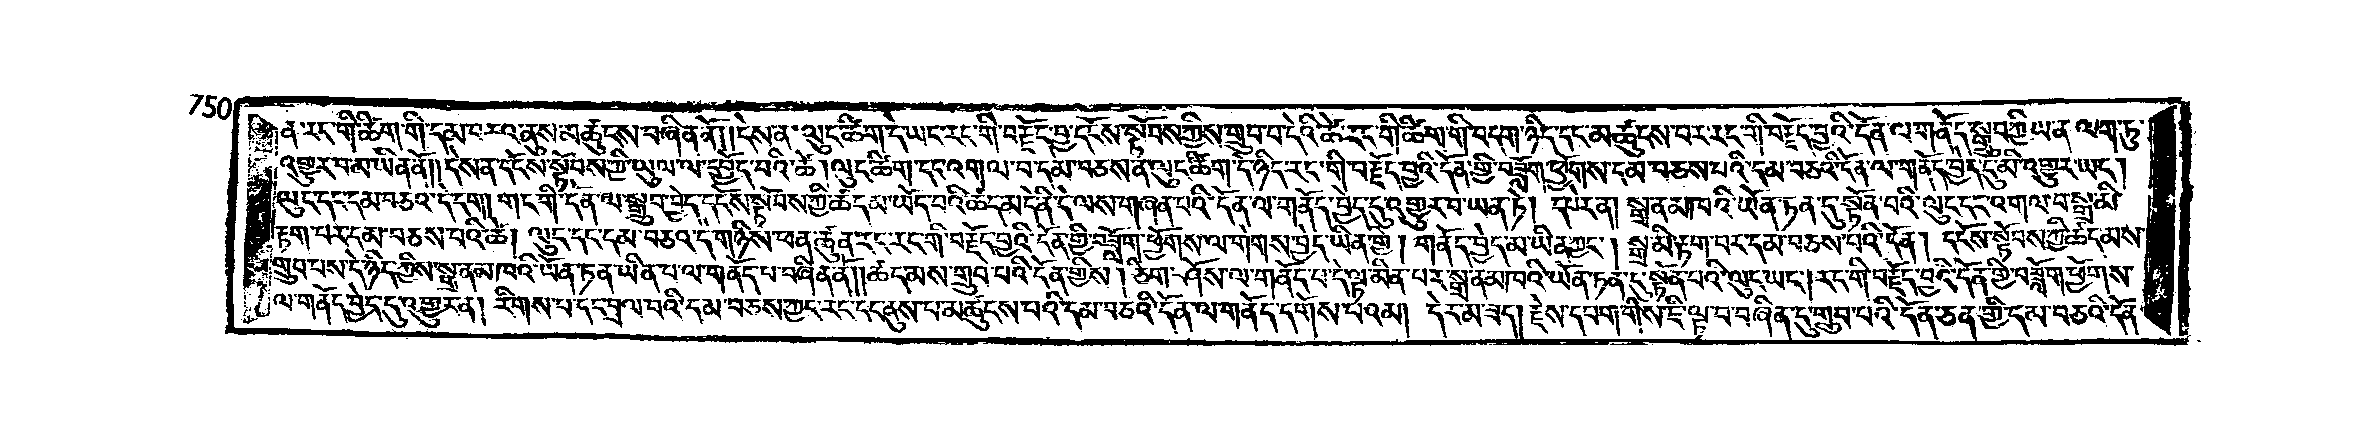ན་རང་གི་ཚིག་གི་དམ་བཅའ་ནུས་པ་མཚུངས་བཞིན་ནོ། །དེས་ན་ལུང་ཚིག་དེ་ཡང་རང་གི་བརྗོད་བྱ་དངོས་སྟོབས་ཀྱིས་གྲུབ་པ་དེའི་ཚེ་རང་གི་ཚིག་གི་བདག་ཉིད་དང་མཚུངས་པར་རང་གི་བརྗོད་བྱའི་དོན་ལ་གནོད་སྒྲུབ་ཀྱི་ཡན་ལག་ཏུ་
འགྱུར་བ་མ་ཡིན་ནོ། །དེས་ན་དངོས་སྟོབས་ཀྱི་ཡུལ་ལ་དཔྱོད་པའི་ཚེ། ལུང་ཚིག་དང་འགལ་བ་དམ་བཅས་ན་ལུང་ཚིག་དེ་ཉིད་རང་གི་བརྗོད་བྱའི་དོན་གྱི་བཟློག་ཕྱོགས་དམ་བཅས་པའི་དམ་བཅའི་དོན་ལ་གནོད་བྱེད་དུ་མི་འགྱུར་ཡང་།
ལུང་དང་དམ་བཅའ་དེ་དག། གང་གི་དོན་ལ་སྒྲུབ་བྱེད་དངོས་སྟོབས་ཀྱི་ཚད་མ་ཡོད་པའི་ཚད་མ་དེ་ནི་དེ་ལས་གཞན་པའི་དོན་ལ་གནོད་བྱེད་དུ་འགྱུར་བ་ཡིན་ཏེ། དཔེར་ན། སྒྲ་ནམ་མཁའི་ཡོན་ཏན་ཏུ་སྟོན་པའི་ལུང་དང་འགལ་བ་སྒྲ་མི་
རྟག་པར་དམ་བཅས་པའི་ཚེ། ལུང་དང་དམ་བཅའ་དེ་གཉིས་ཕན་ཚུན་རང་རང་གི་བརྗོད་བྱའི་དོན་གྱི་བཟློག་ཕྱོགས་ལ་གེགས་བྱེད་ཡིན་གྱི། གནོད་བྱེད་མ་ཡིན་ཀྱང་། སྒྲ་མི་རྟག་པར་དམ་བཅས་པའི་དོན། དངོས་སྟོབས་ཀྱི་ཚད་མས་
གྲུབ་པས་དེ་ཉིད་ཀྱིས་སྒྲ་ནམ་མཁའི་ཡོན་ཏན་ཡིན་པ་ལ་གནོད་པ་བཞིན་ནོ། །ཚད་མས་གྲུབ་པའི་དོན་གྱིས། ཅིག་ཤོས་ལ་གནོད་པ་དེ་ལྟ་མིན་པར་སྒྲ་ནམ་མཁའི་ཡོན་ཏན་ཏུ་སྟོན་པའི་ལུང་ཡང་། རང་གི་བརྗོད་བྱའི་དོན་གྱི་བཟློག་ཕྱོགས་
ལ་གནོད་བྱེད་དུ་འགྱུར་ན། རིགས་པ་དང་བྲལ་བའི་དམ་བཅས་ཀྱང་རང་དང་ནུས་པ་མཚུངས་པའི་དམ་བཅའི་དོན་ལ་གནོད་དགོས་པའམ། དེར་མ་ཟད། རྗེས་དཔག་གིས་ཇི་ལྟ་བ་བཞིན་དུ་གྲུབ་པའི་དོན་ཅན་གྱི་དམ་བཅའི་དོན་